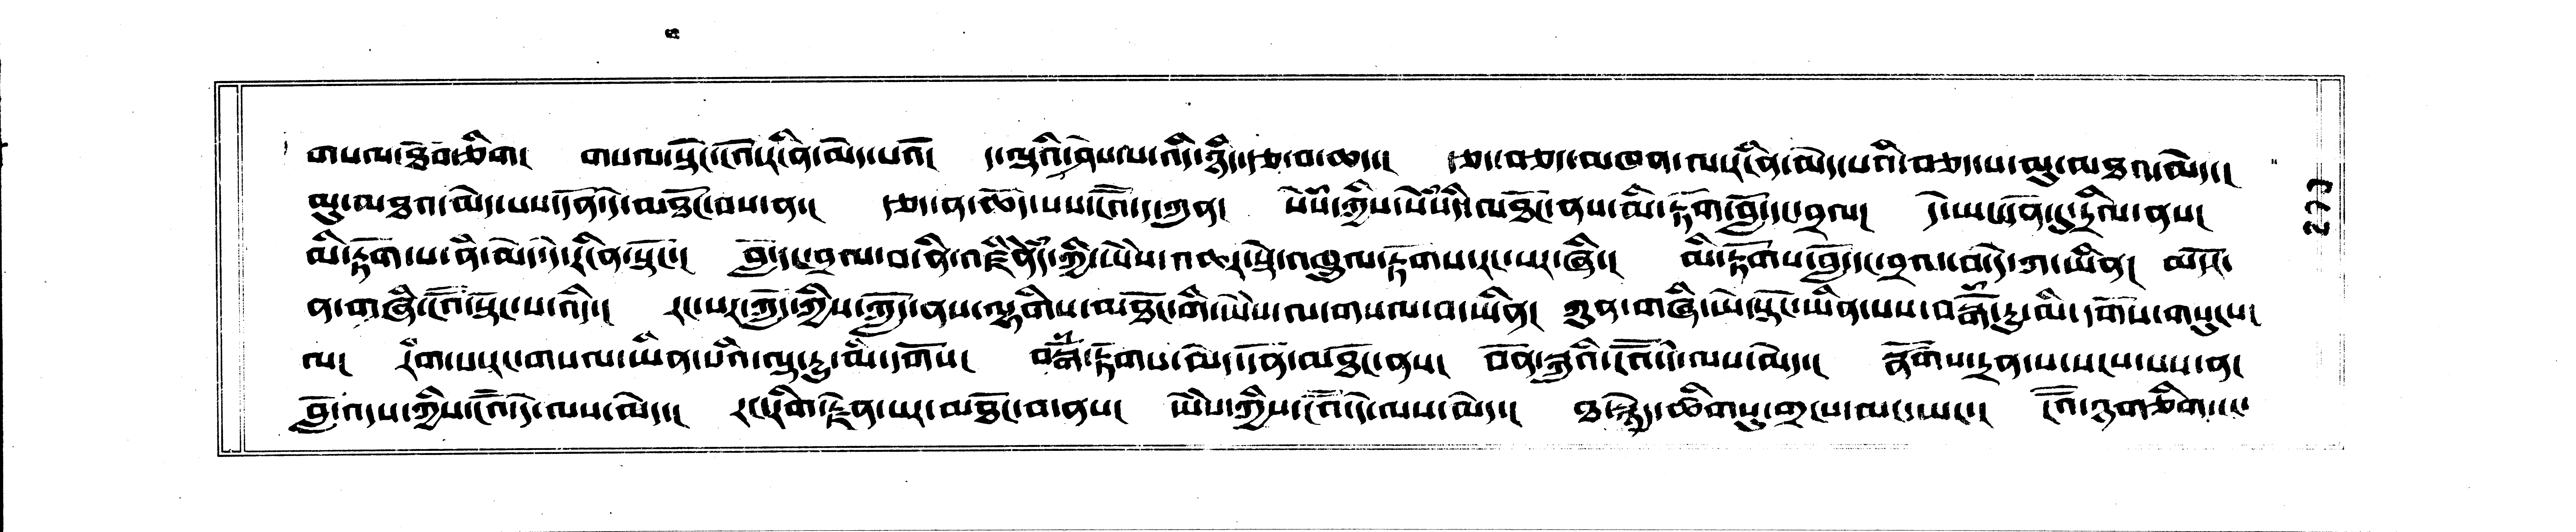གསལ་ཐོབ་ཅིག གསལ་སྟོང་ངོའོ་རང་བཞིན་མེད་པའི། ད་ལྟའི་ཤེས་པ་འདི་རྩད་ནས་ཆོད། རྩད་”བཅད་མཁན་ལ”ལས་རང་བཞིན་མེད་པས་བཅད་པའི་མུ་་མཐའ་མེད། 
མུ་མཐའ་མེད་པའི་དོན་དེ་མཐོང་བེས་ན། རྩད་ནས་ཆོད་པའི་ངོའོ་དེ་ཀ་ཡིན། སེམས་ཀྱིས་སེམས་ཉིད་མཐོང་ན་མི་རྟོག་བློ་དང་བྲལ། དེ་ཡང་དོན་དུ་དྲིལ་ན་
མི་རྟོག་པས་ནི་ཅི་ཡང་མེད་དེ་རང་བཞིན་སྟོང་། བློ་དང་བྲལ་བས་ནི་འཛིན་མེད་ཀྱིས་ཡེ་ཤེས་འཆར་ཏེ་འཁྲུལ་རྟོག་རང་སར་ཞི། མི་རྟོག་བློ་དང་བྲལ་ཡང་དེ་ཀའོ། མདོར་
ན་གཞི་ངོའོ་སྟོང་པ་འདི་རང་སར་ཀློད་ཀྱིས་ཀློད་ན། ལྷག་མཐོང་གིས་ཡེ་ཤེས་ངང་ལ་གསལ་བ་ཡིན། ཀུན་གཞི་ཡེ་སྟོང་ཡིན་པས་སྒོམས་དུ་མི་དགོས་
ལ། རིག་པ་རང་གསལ་དེ་ལྟར་དུ་མི་དགོས་སོ། མི་སྒོམ་རྟོག་མེད་དོན་མཐོང་ན། བོན་སྐུ་ངོའོ་དེ་ལས་མེད། སྣ་ཚོགས་དྲན་པ་སངས་ཟིན་ན།
 བློ་འདས་ཀྱིས་ངོའོ་དེ་ལས་མེད། རང་རིག་རྗེན་པར་མཐོང་བེས་ན། ཡེ་ཤེས་ཀྱི་ངོའོ་དེ་ལས་མེད། ཐ་སྙད་ཚིགས་སུ་གྲངས་མང་ཡང་། ངོའོ་ཉག་གཅིག་ངང་